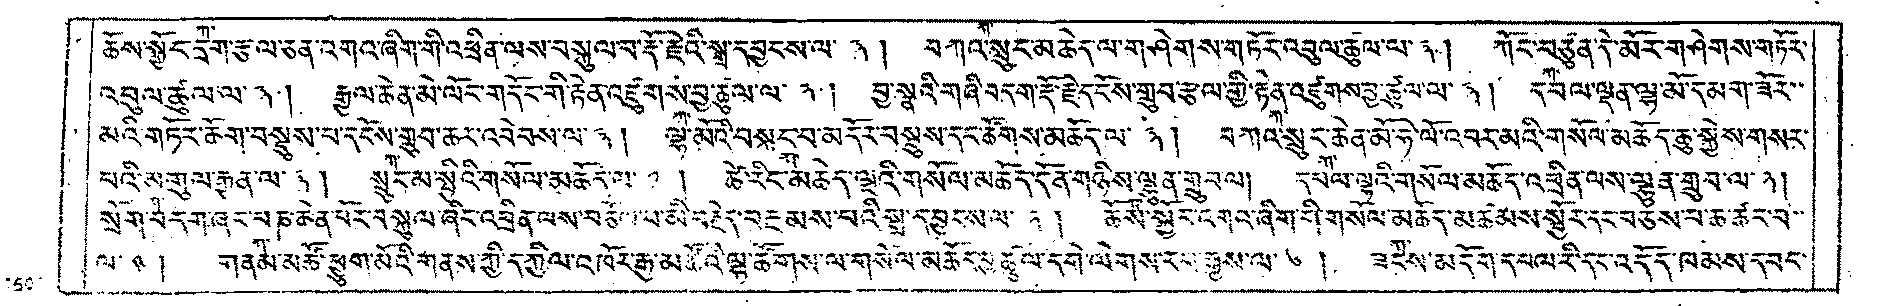ཆོས་སྐྱོང་ཀ་དྲག་རྩལ་ཅན་འགའ་ཞིག་གི་འཕྲིན་ལས་བསྐུལ་བ་རྡོ་རྗེའི་སྒྲ་དབྱངས་ལ ༣། ཀ་བཀའ་སྲུང་མཆེད་ལ་གཤེགས་གཏོར་འབུལ་ཚུལ་ལ ༣། ཀོང་བཙུན་དེ་མོར་གཤེགས་གཏོར་
འབུལ་ཚུལ་ལ ༣། རྒྱལ་ཆེན་མེ་ལོང་གདོང་གི་རྟེན་འཛུགས་བྱ་ཚུལ་ལ ༢། བྱ་སྣའི་གཞི་བདག་རྡོ་རྗེ་དངོས་གྲུབ་རྩལ་གྱི་རྟེན་འཛུགས་བྱ་ཚུལ་ལ ༣། ཀ་དཔལ་ལྡན་ལྷ་མོ་དམག་ཟོར་
མའི་གཏོར་ཆོག་བསྡུས་པ་དངོས་གྲུབ་ཆར་འབེབས་ལ ༣། ཀ་ལྷ་མོའི་བསྐང་བ་མདོར་བསྡུས་དང་ཚོགས་མཆོད་ལ ༣། བཀའ་ཀ་སྲུང་ཆེན་མོ་ཧེ་ལོ་འབར་མའི་གསོལ་མཆོད་ཆུ་སྐྱེས་གསར་
པའི་མགུལ་རྒྱན་ལ ༣། ཀ་སྲུང་མ་སྤྱིའི་གསོལ་མཆོད་ལ ༡། ཚེ་རིང་ཀ་མཆེད་ལྔའི་གསོལ་མཆོད་དོན་གཉིས་ལྷུན་གྲུབ་ལ། དཔལ་ཀ་ལྷའི་གསོལ་མཆོད་འཕྲིན་ལས་ལྷུན་གྲུབ་ལ ༢།
སྲོག་ཀ་བདག་ཞང་པཎ་ཆེན་པོར་བསྐུལ་ཞིང་འཕྲིན་ལས་བཅོལ་བ་མི་བརྗེད་བརྔམས་པའི་སྒྲ་དབྱངས་ལ ༢། ཆོས་ཀ་སྐྱོང་འགའ་ཞིག་གི་གསོལ་མཆོད་མཚམས་སྦྱོར་དང་བཅས་ཕ་ཆ་ཚང་བ་
ལ ༤། ཀ་གནམ་མཚོ་ཕྱུག་མོའི་གནས་ཀྱི་དཀྱིལ་འཁོར་རྒྱ་མཚོའི་ལྷ་ཚོགས་ལ་གསོལ་མཆོད་བྱ་ཚུལ་དགེ་ལེགས་རབ་རྒྱས་ལ ༦། ཀ་ཟངས་མདོག་དཔལ་རི་དང་འདོད་ཁམས་དབང་